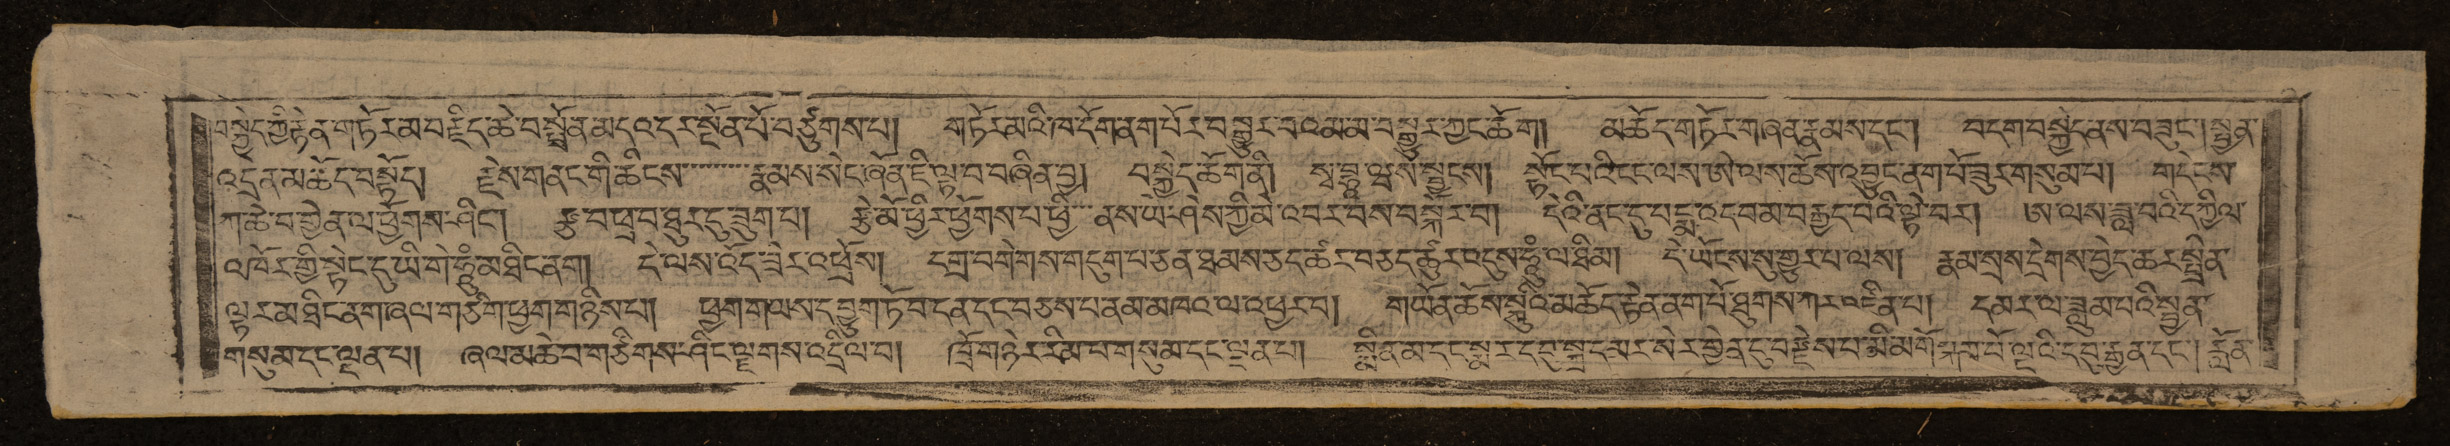བསྐྱེད་ཀྱི་རྟེན་གཏོར་མ་བརྗིད་ཆེ་བ་སྤྲོན་མདའ་དར་སྔོན་པོ་བཙུགས་པ། གཏོར་མའི་ཁ་དོག་ནག་པོར་བསྒྱུར་བའམ་མ་བསྒྱུར་ཀྱང་ཆོག། མཆོད་གཏོར་གཞན་རྣམས་དང་། བདག་བསྐྱེད་ནས་བཟུང་། སྤྱན་
འདྲེན་མཆོད་བསྟོད། རྗེས་གནང་གི་ཚིངས་རྣམས་སེང་ཞོན་ཇི་ལྟ་བ་བཞིན་བྱ། བསྐྱེད་ཆོག་ནི། སྭ་བྷཱ་ཝས་སྦྱངས། སྟོང་པའི་ངང་ལས་ཨེ་ལས་ཆོས་འབྱུང་ནག་པོ་ཟུར་གསུམ་པ། གདེངས་
ཀ་ཆེ་བ་གྱེན་ལ་ཕྱོགས་ཤིང་། རྩ་བ་ཕྲ་བ་ཐུར་དུ་ཟུག་པ། རྩེ་མོ་ཕྱིར་ཕྱོགས་པ་ཕྱི་ནས་ཡེ་ཤེས་ཀྱི་མེ་འབར་བས་བསྐོར་བ། དེའི་ནང་དུ་པདམ་འདབ་མ་བརྒྱད་པའི་ལྟེ་བར། ཨ་ལས་ཟླ་བའི་དཀྱིལ་
འཁོར་གྱི་སྟེང་དུ་ཡི་གེ་ཧཱུཾ་མཐིང་ནག། དེ་ལས་འོད་ཟེར་འཕྲོས། དགྲ་བགེགས་གདུག་པ་ཅན་ཐམས་ཅད་ཚར་བཅད་ཚུར་འདུས་ཧཱུཾ་ལ་ཐིམ། དེ་ཡོངས་སུ་གྱུར་པ་ལས། རྣམ་སྲས་དྲེགས་བྱེད་ཆར་སྤྲིན་
ལྟར་མཐིང་ནག་ཞལ་གཅིག་ཕྱག་གཉིས་པ། ཕྱག་གཡས་དབྱུག་ཏོ་བ་དན་དང་བཅས་པ་ནམ་མཁའ་ལ་འཕྱར་བ། གཡོན་ཆོས་སྐུའི་མཆོད་རྟེན་ནག་པོ་ཐུགས་ཀར་འཛིན་པ། དམར་ལ་ཟླུམ་པའི་སྤྱན་
གསུམ་དང་ལྡན་པ། ཞལ་མཆེ་བ་གཙིགས་ཤིང་ལྗགས་འདྲིལ་བ། ཁྲོ་གཉེར་རིམ་པ་གསུམ་དང་ལྡན་པ། སྨིན་མ་དང་སྨ་ར་དབུ་སྐྲ་དམར་སེར་གྱེན་དུ་བརྫས་པ་མི་མགོ་སྐམ་པོ་ལྔའི་དབུ་རྒྱན་དང་། རློན་